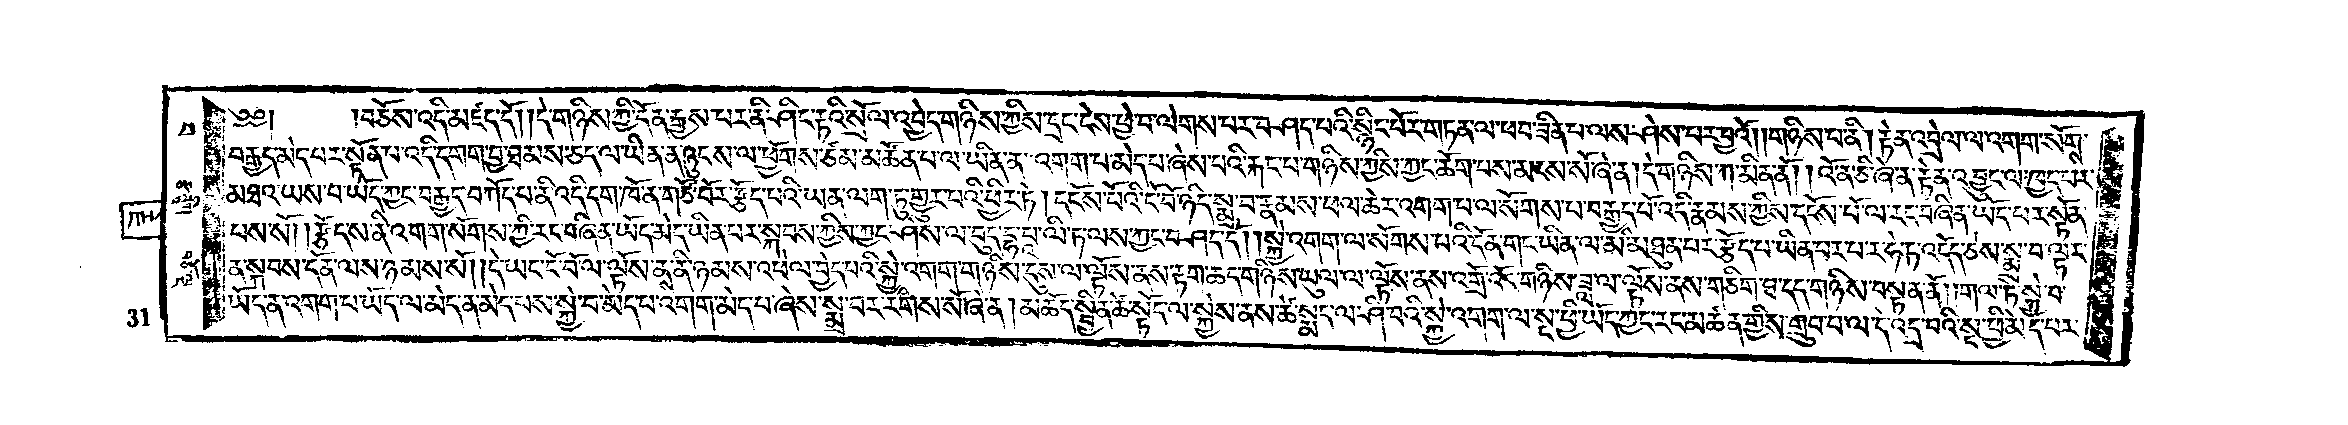༄༅། །བཅོས་འདི་མཛད་དོ། །དེ་གཉིས་ཀྱི་དོན་རྒྱས་པར་ནི་ཤིང་རྟའི་སྲོལ་འབྱེད་གཉིས་ཀྱིས་དྲང་ངེས་ཕྱེ་བ་ལེགས་པར་བཤད་པའི་སྙིང་པོར་གཏན་ལ་ཕབ་ཟིན་པ་ལས་ཤེས་པར་བྱའོ། །གཉིས་པ་ནི། རྟེན་འབྲེལ་ལ་འགག་སོགས་
བརྒྱད་མེད་པར་སྟོན་པ་འདི་དགག་བྱ་ཐམས་ཅད་ལ་ཡིན་ན་ཉུངས་ལ་ཕྱོགས་ཙམ་མཚོན་པ་ལ་ཡིན་ན་འགག་པ་མེད་པ་ཞེས་པའི་རྐང་པ་གཉིས་ཀྱིས་ཀྱང་ཆོག་པས་མངས་སོ་ཞེ་ན། དེ་གཉིས་ཀ་མིན་ནོ། །འོ་ན་ཅི་ཞེ་ན་རྟེན་འབྱུང་ལ་ཁྱད་པར་
མཐའ་ཡས་པ་ཡོད་ཀྱང་བརྒྱད་བཀོད་པ་ནི་འདི་དག་ཁོ་ན་གཙོ་བོར་རྩོད་པའི་ཡན་ལག་ཏུ་གྱུར་པའི་ཕྱིར་ཏེ། དངོས་པོའི་ངོ་བོ་ཉིད་སྨྲ་བ་རྣམས་ཕལ་ཆེར་འགག་པ་ལ་སོགས་པ་བརྒྱད་པོ་འདི་རྣམས་ཀྱིས་དངོས་པོ་ལ་རང་བཞོན་ཡོད་པར་སྟོན་
པས་སོ། །རྩོད་ས་ནི་འགག་སོགས་ཀྱི་རང་བཞི་ཡོད་མེད་ཡིན་པར་སྐབས་ཀྱིས་ཀྱང་ཤེས་ལ་བུད་དྷ་པཱ་ལི་ཏ་ལས་ཀྱང་བཤད་དོ། །སྐྱེ་འགག་ལ་སོགས་པའི་དོན་གང་ཡིན་ལ་མི་མཐུན་པར་རྩོད་པ་ཡིན་པར་པ་ར་ཧེ་ཏ་འདོད་ཅེས་སྨྲ་བ་ལྟར་
ན་སྐབས་དོན་ལས་ཉམས་སོ། །དེ་ཡང་ངོ་བོ་ལ་ལྟོས་ནས་ནི་ཉམས་འཕེལ་བྱེད་པའི་སྐྱེ་འགག་གཉིས་དུས་ལ་ལྟོས་ནས་རྟག་ཆད་གཉིས་ཡུལ་ལ་ལྟོས་ནས་འགྲོ་འོང་གཉིས་ཟླ་ལ་ལྟོས་ནས་གཅིག་ཐ་དད་གཉིས་བསྟན་ནོ། །གལ་ཏེ་སྐྱེ་བ་
ཡོད་ན་འགག་པ་ཡོད་ལ་མེད་ན་མེད་པས་སྐྱེ་བ་མེད་པ་འགག་མེད་པ་ཞེས་སྨྲ་བར་རིགས་སོ་ཞེ་ན། མཆོད་སྦྱིན་ཚེ་སྟོད་ལ་སྐྱེས་ནས་ཚེ་སྨད་ལ་ཤི་བའི་སྐྱེ་འགག་ལ་སྔ་ཕྱི་ཡོད་ཀྱང་རང་མཚན་གྱིས་གྲུབ་པ་ལ་དེ་འདྲ་བའི་སྔ་ཕྱི་མེད་པར་